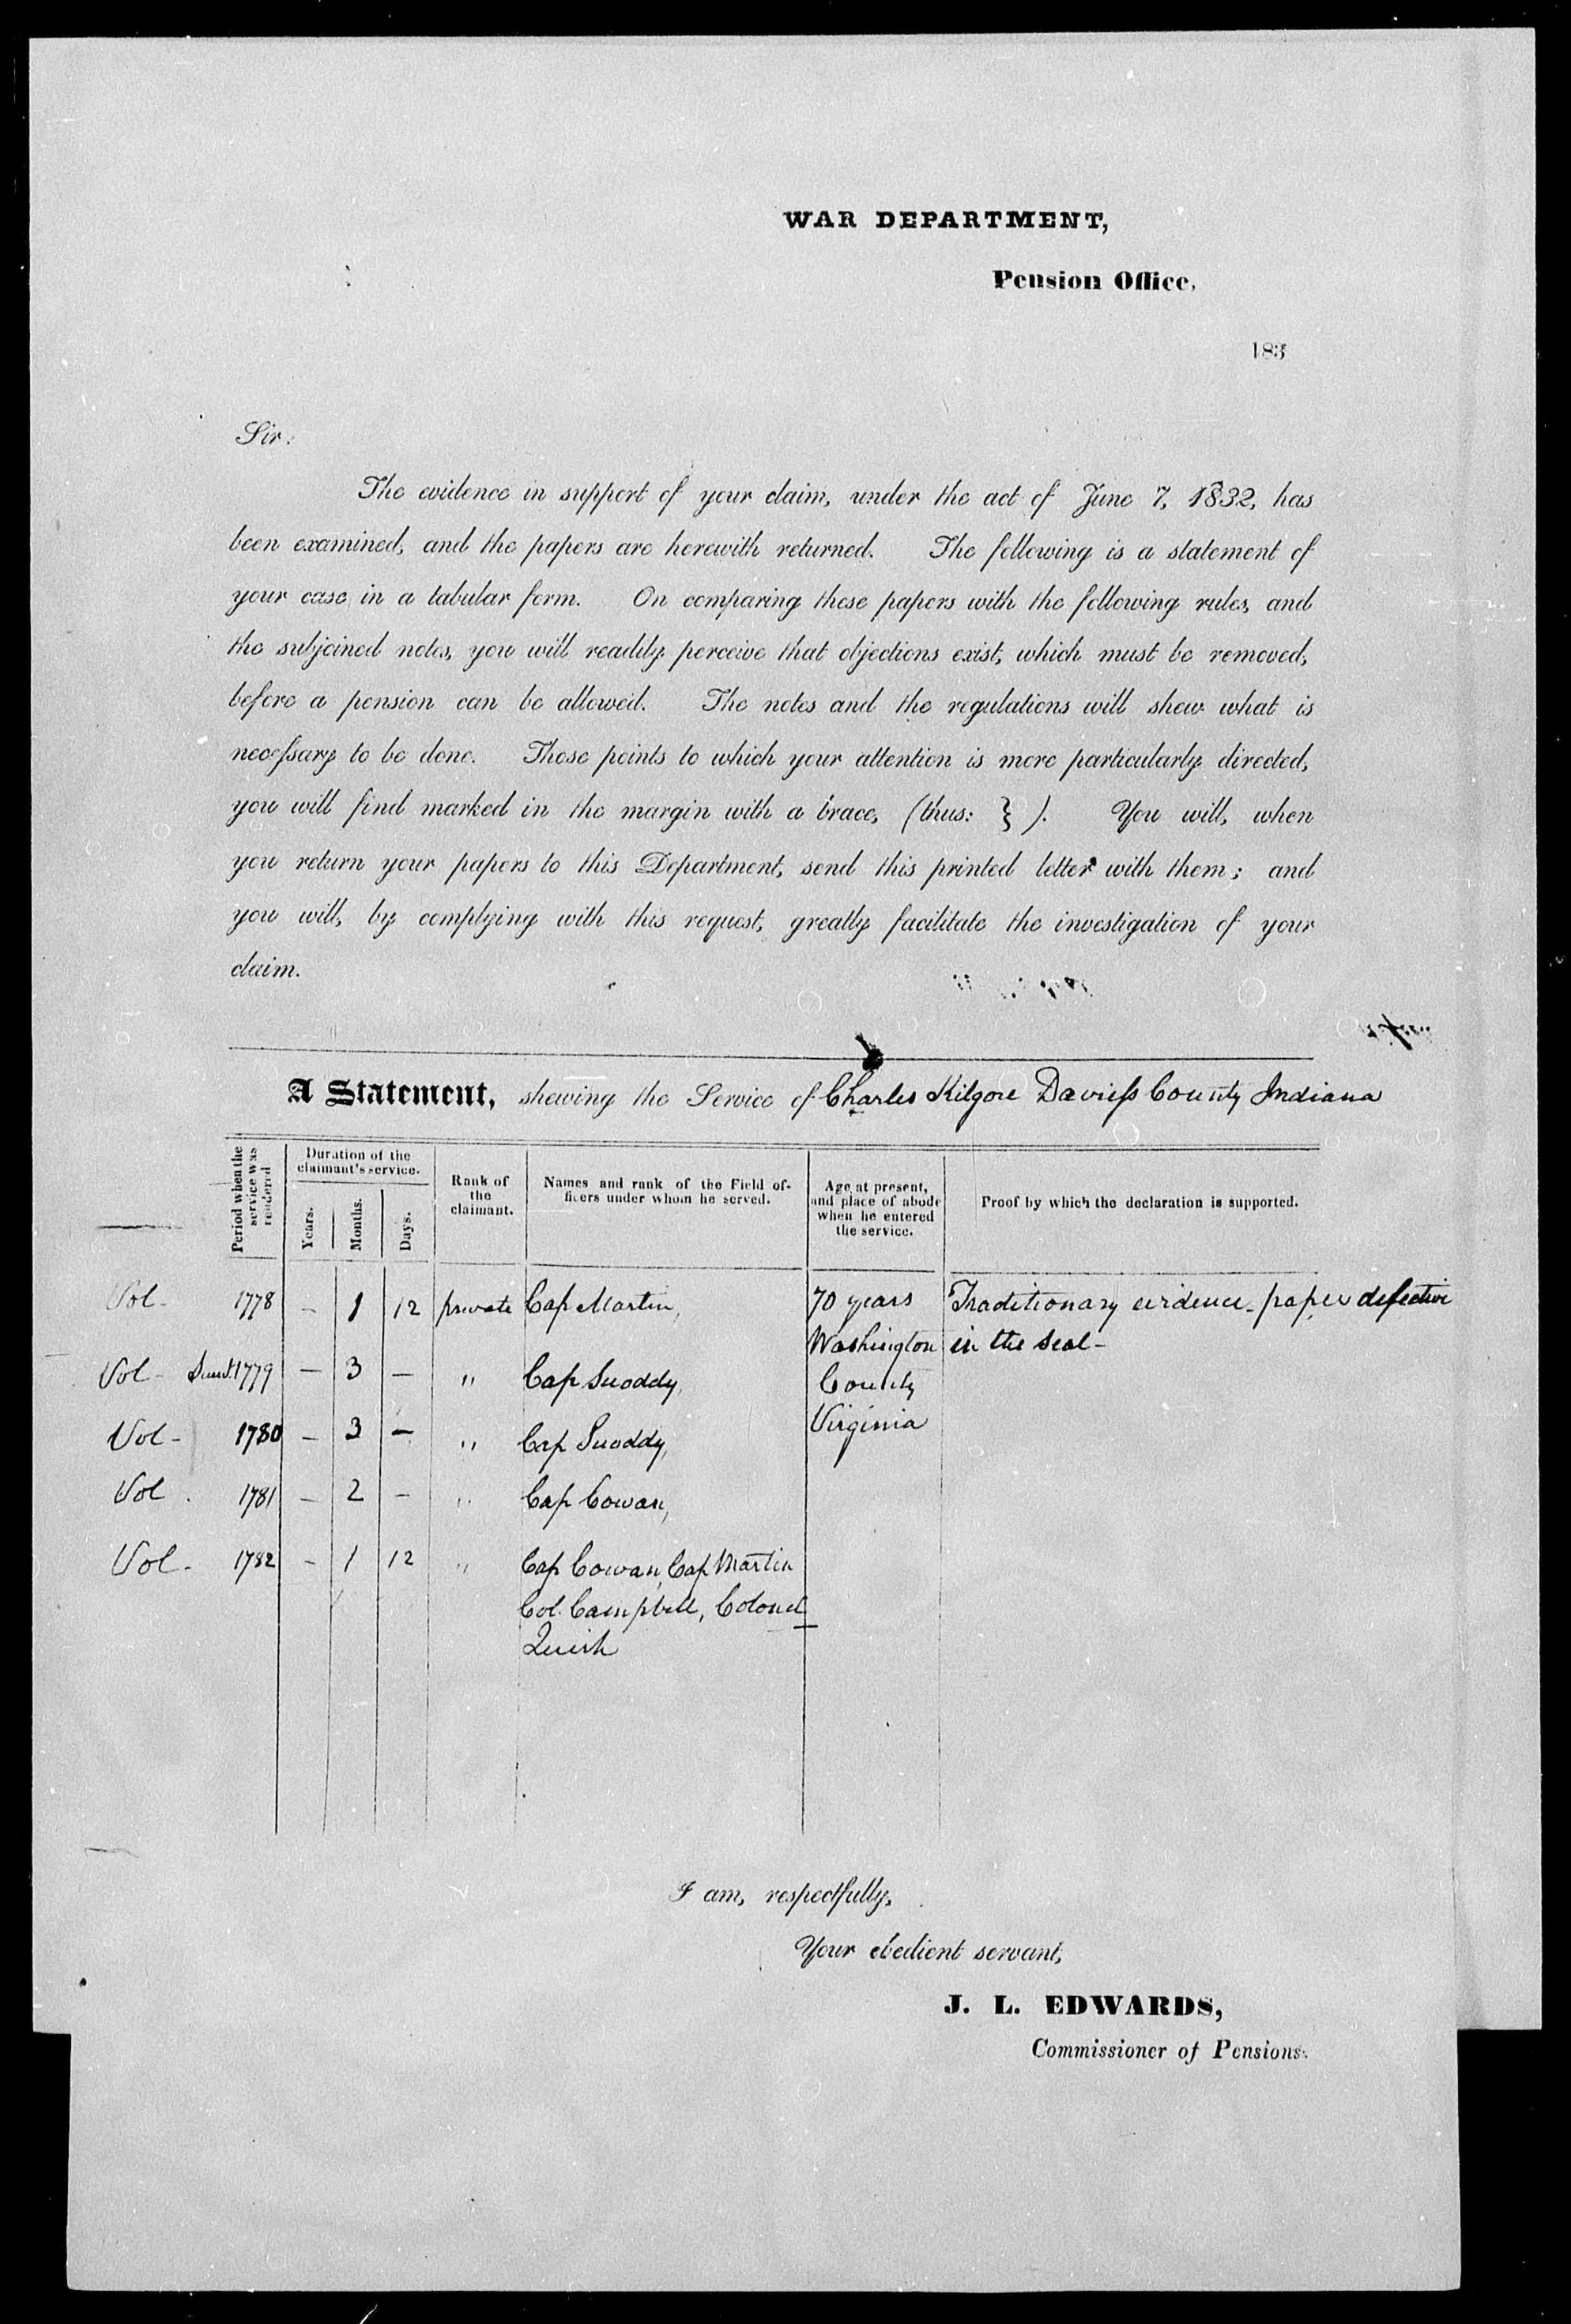WAR DEPARTMENT.
Pension Office,
183
Sir,
The evidence in support of your claim, under the act of June 7, 1832, has been examined, and the papers are herewith returned. The following is a statement of your case in a tabular form. On comparing these papers with the following rules, and the subjoined notes, you will readily perceive that objections exist, which must be removed, before a pension can be allowed. the notes and the regulations will shew what is necessary to be done. Those points to which your attention is more particularly directed, you will find marked in the margin with a brace, (thus: }). You will, when you return your papers to this Department, send this printed letter with them; and you will, by complying with this request, greatly facilitate the investigation of your claim.

A Statement, shewing the Service of Charles Kilgore Daviess County Indiana
||  Period when the service was rendered  ||  Duration of the claimant's service. | Years. | Months | Days.  || Names and rank of the Field officers under whom he served.  ||  Age at present, and place of abode when he entered the service.  ||  Proof by which the declaration is supported.  ||
Vol.  ||  1778  ||  - | 1 | 12  ||  private  ||  Cap Martin  ||  790 years Washington County Virginia  ||  Traditionary evidence, paper defection in the seal -  ||
Vol.  ||  [illegible] 1779  ||  - | 3 | -  ||  "  ||  Cap Snoddy  ||  [BLANK]  ||  [BLANK]  ||
Vol.  ||  1780  ||  - | 3 | -  ||  "  ||  Cap Snoddy  ||  [BLANK]  ||  [BLANK]  ||
Vol.  ||  1781  ||  - | 2 | -  ||  "  ||  Cap Cowan  ||  [BLANK]  ||  [BLANK]  ||
Vol.  ||  1782  ||  - | 1 | 12  ||  "  ||  Cap Cowan, Cap Martin, Col. Campbell, Colonel Quirk  ||  [BLANK]  ||  [BLANK]  ||

I am, respectfully,
Your obedient servant,
J. L. EDWARDS,
Commissioner of Pensions.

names: J L Edwards; [BLANK] Martin; [BLANK] Cowan; [BLANK] Snoddy; Charles Kilgore; [BLANK] Quirk; [BLANK] Campbell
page: 45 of 115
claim: survivor's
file: S. 699, for Charles Kilgore, Virginia